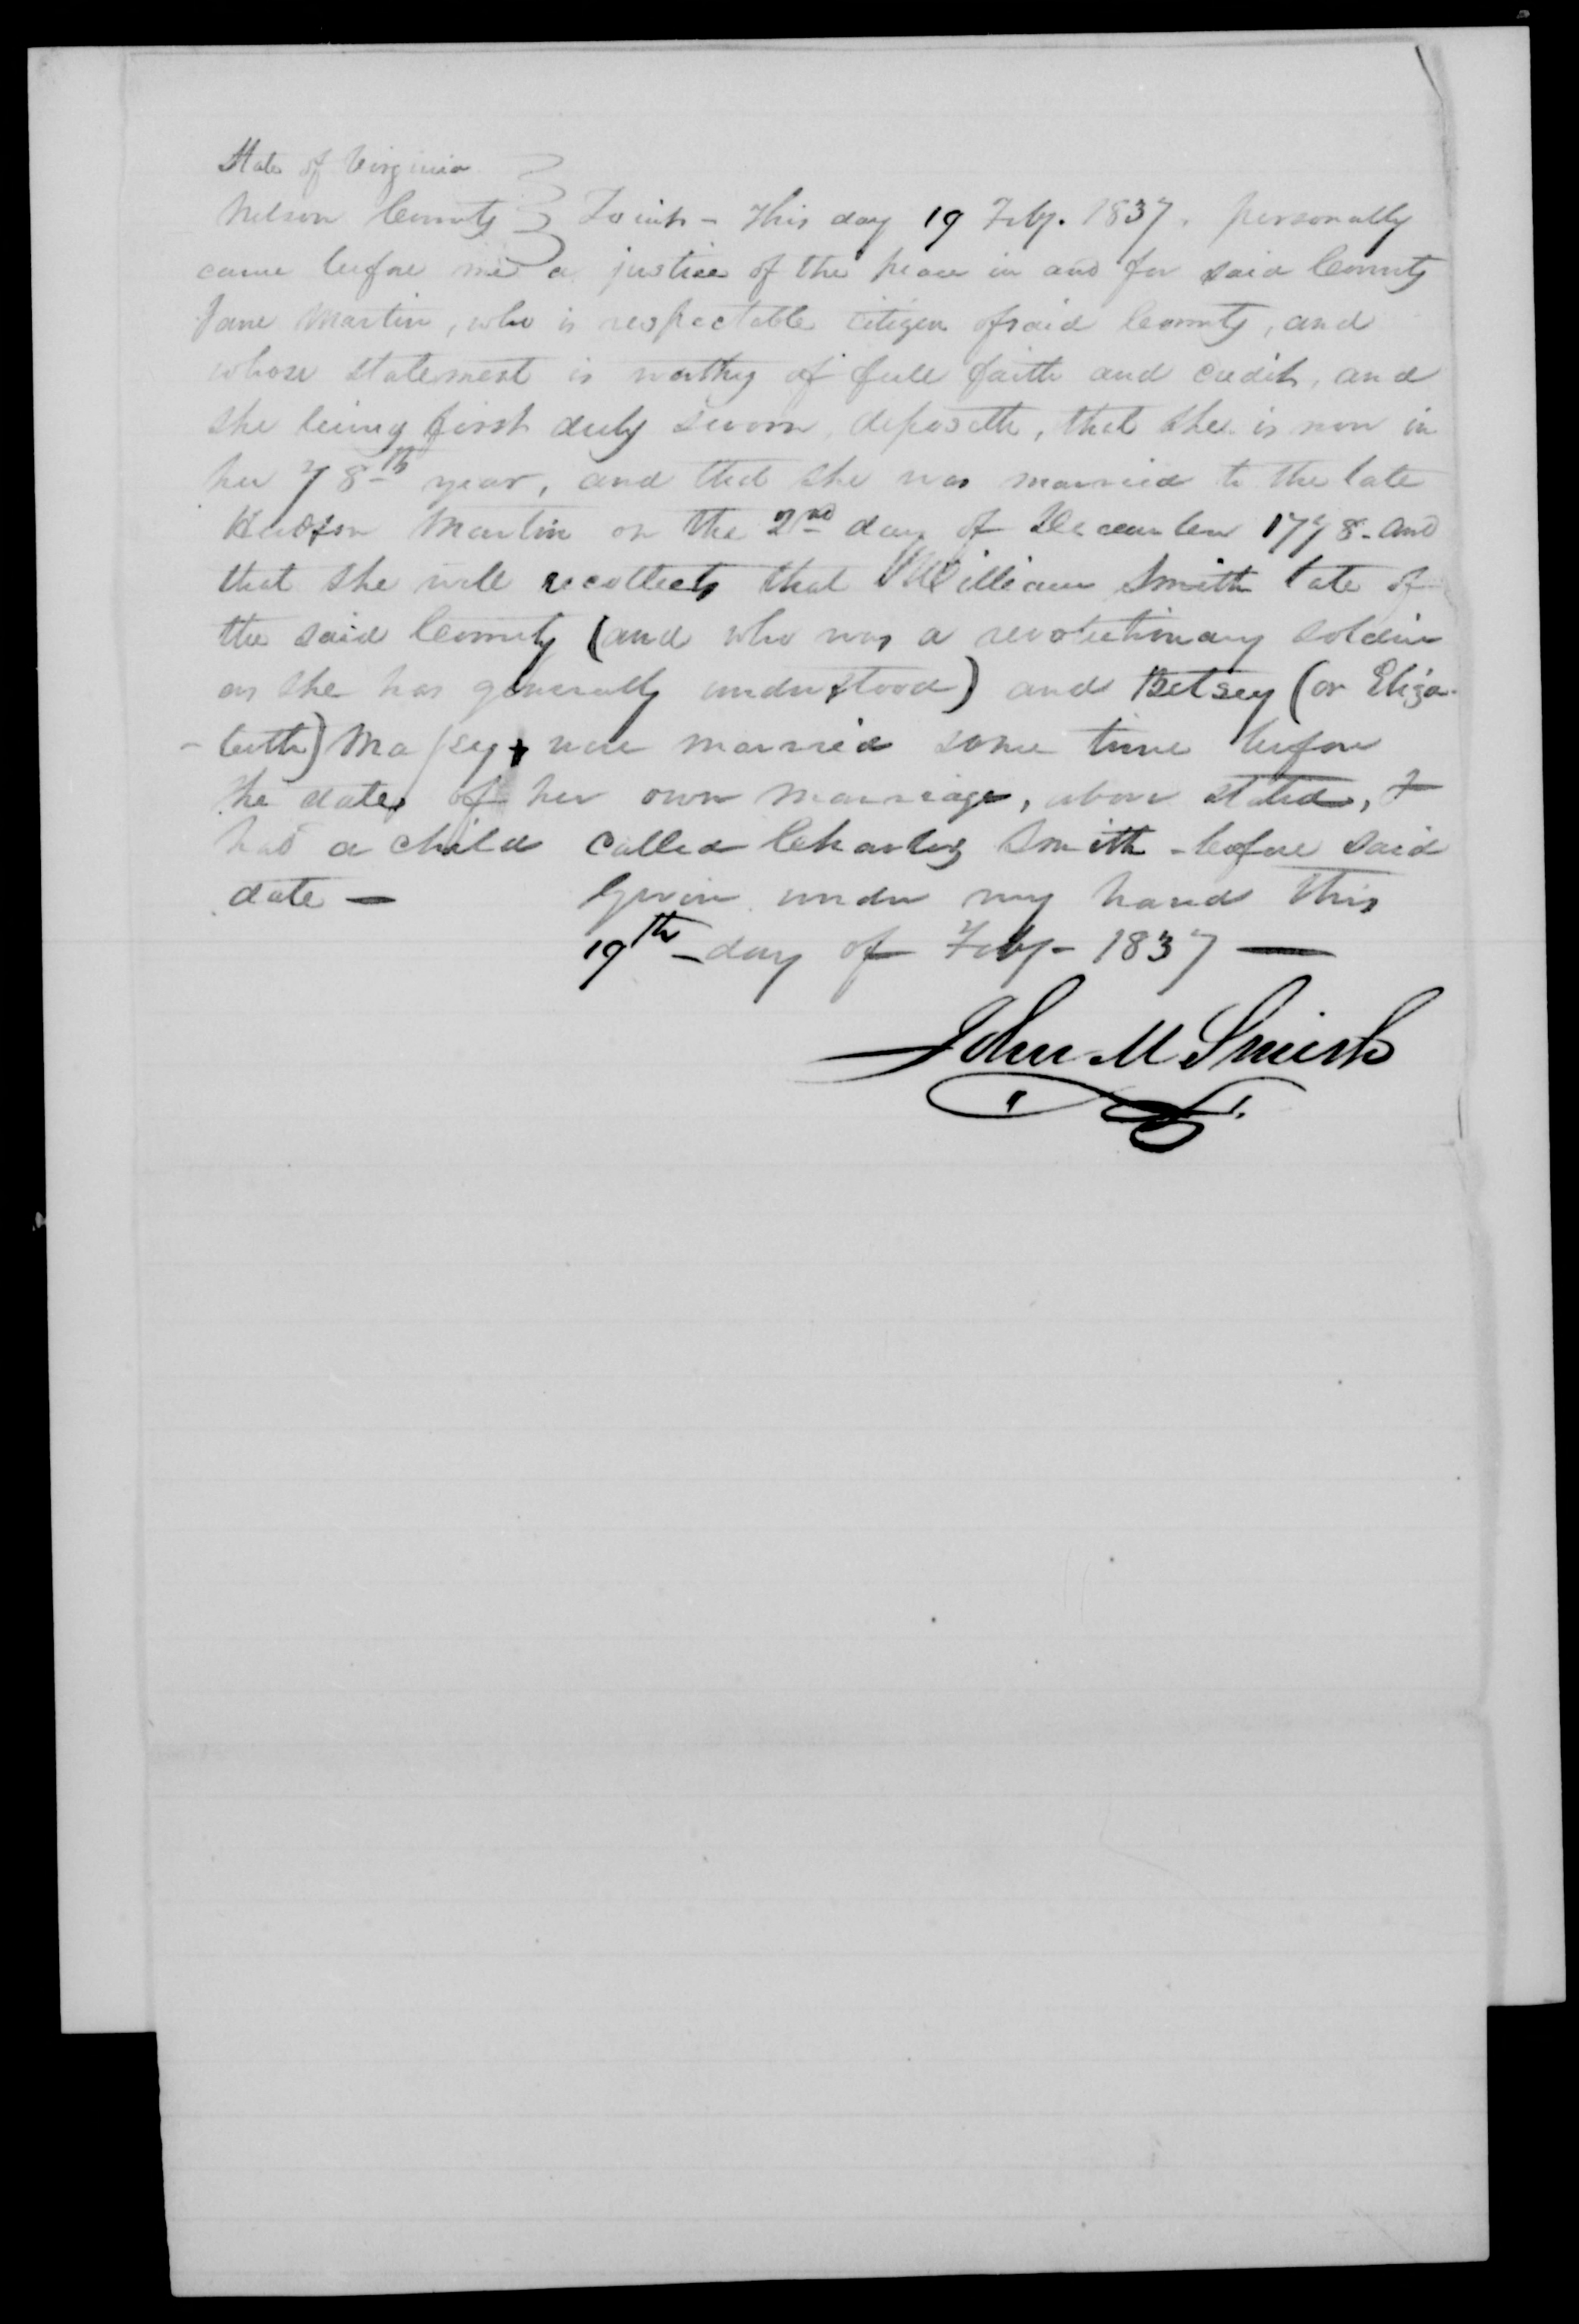State of Virginia
Nelson County} To wit - This day 19 Feby. 1837, personally came before me a justice of the peace in and for said County Jane Martin, who is respectable citizen of said County, and whose statement is worthy of full faith and credit, and she being first duly sworn, deposeth, that she is now in her 78th year, and that she was married to the late Hudson Martin on the 2nd day of December 1778. And that she well recollects that William Smith late of the said County (and who was a revolutionary soldier as she has generally understood) and Betsey (or Elizabeth) Massey was married some time before the date of her own marriage, above stated, & has a child called Charles Smith - before said date - Given under my hand this 19th day of Feby - 1837 -
John M Smith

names: Jane Martin; William Smith; Betsey [BLANK]; Charles Smith; Elizabeth [BLANK]; Hudson Martin; John M Smith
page: 12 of 22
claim: widow's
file: W. 4,806, for William Smith, Virginia